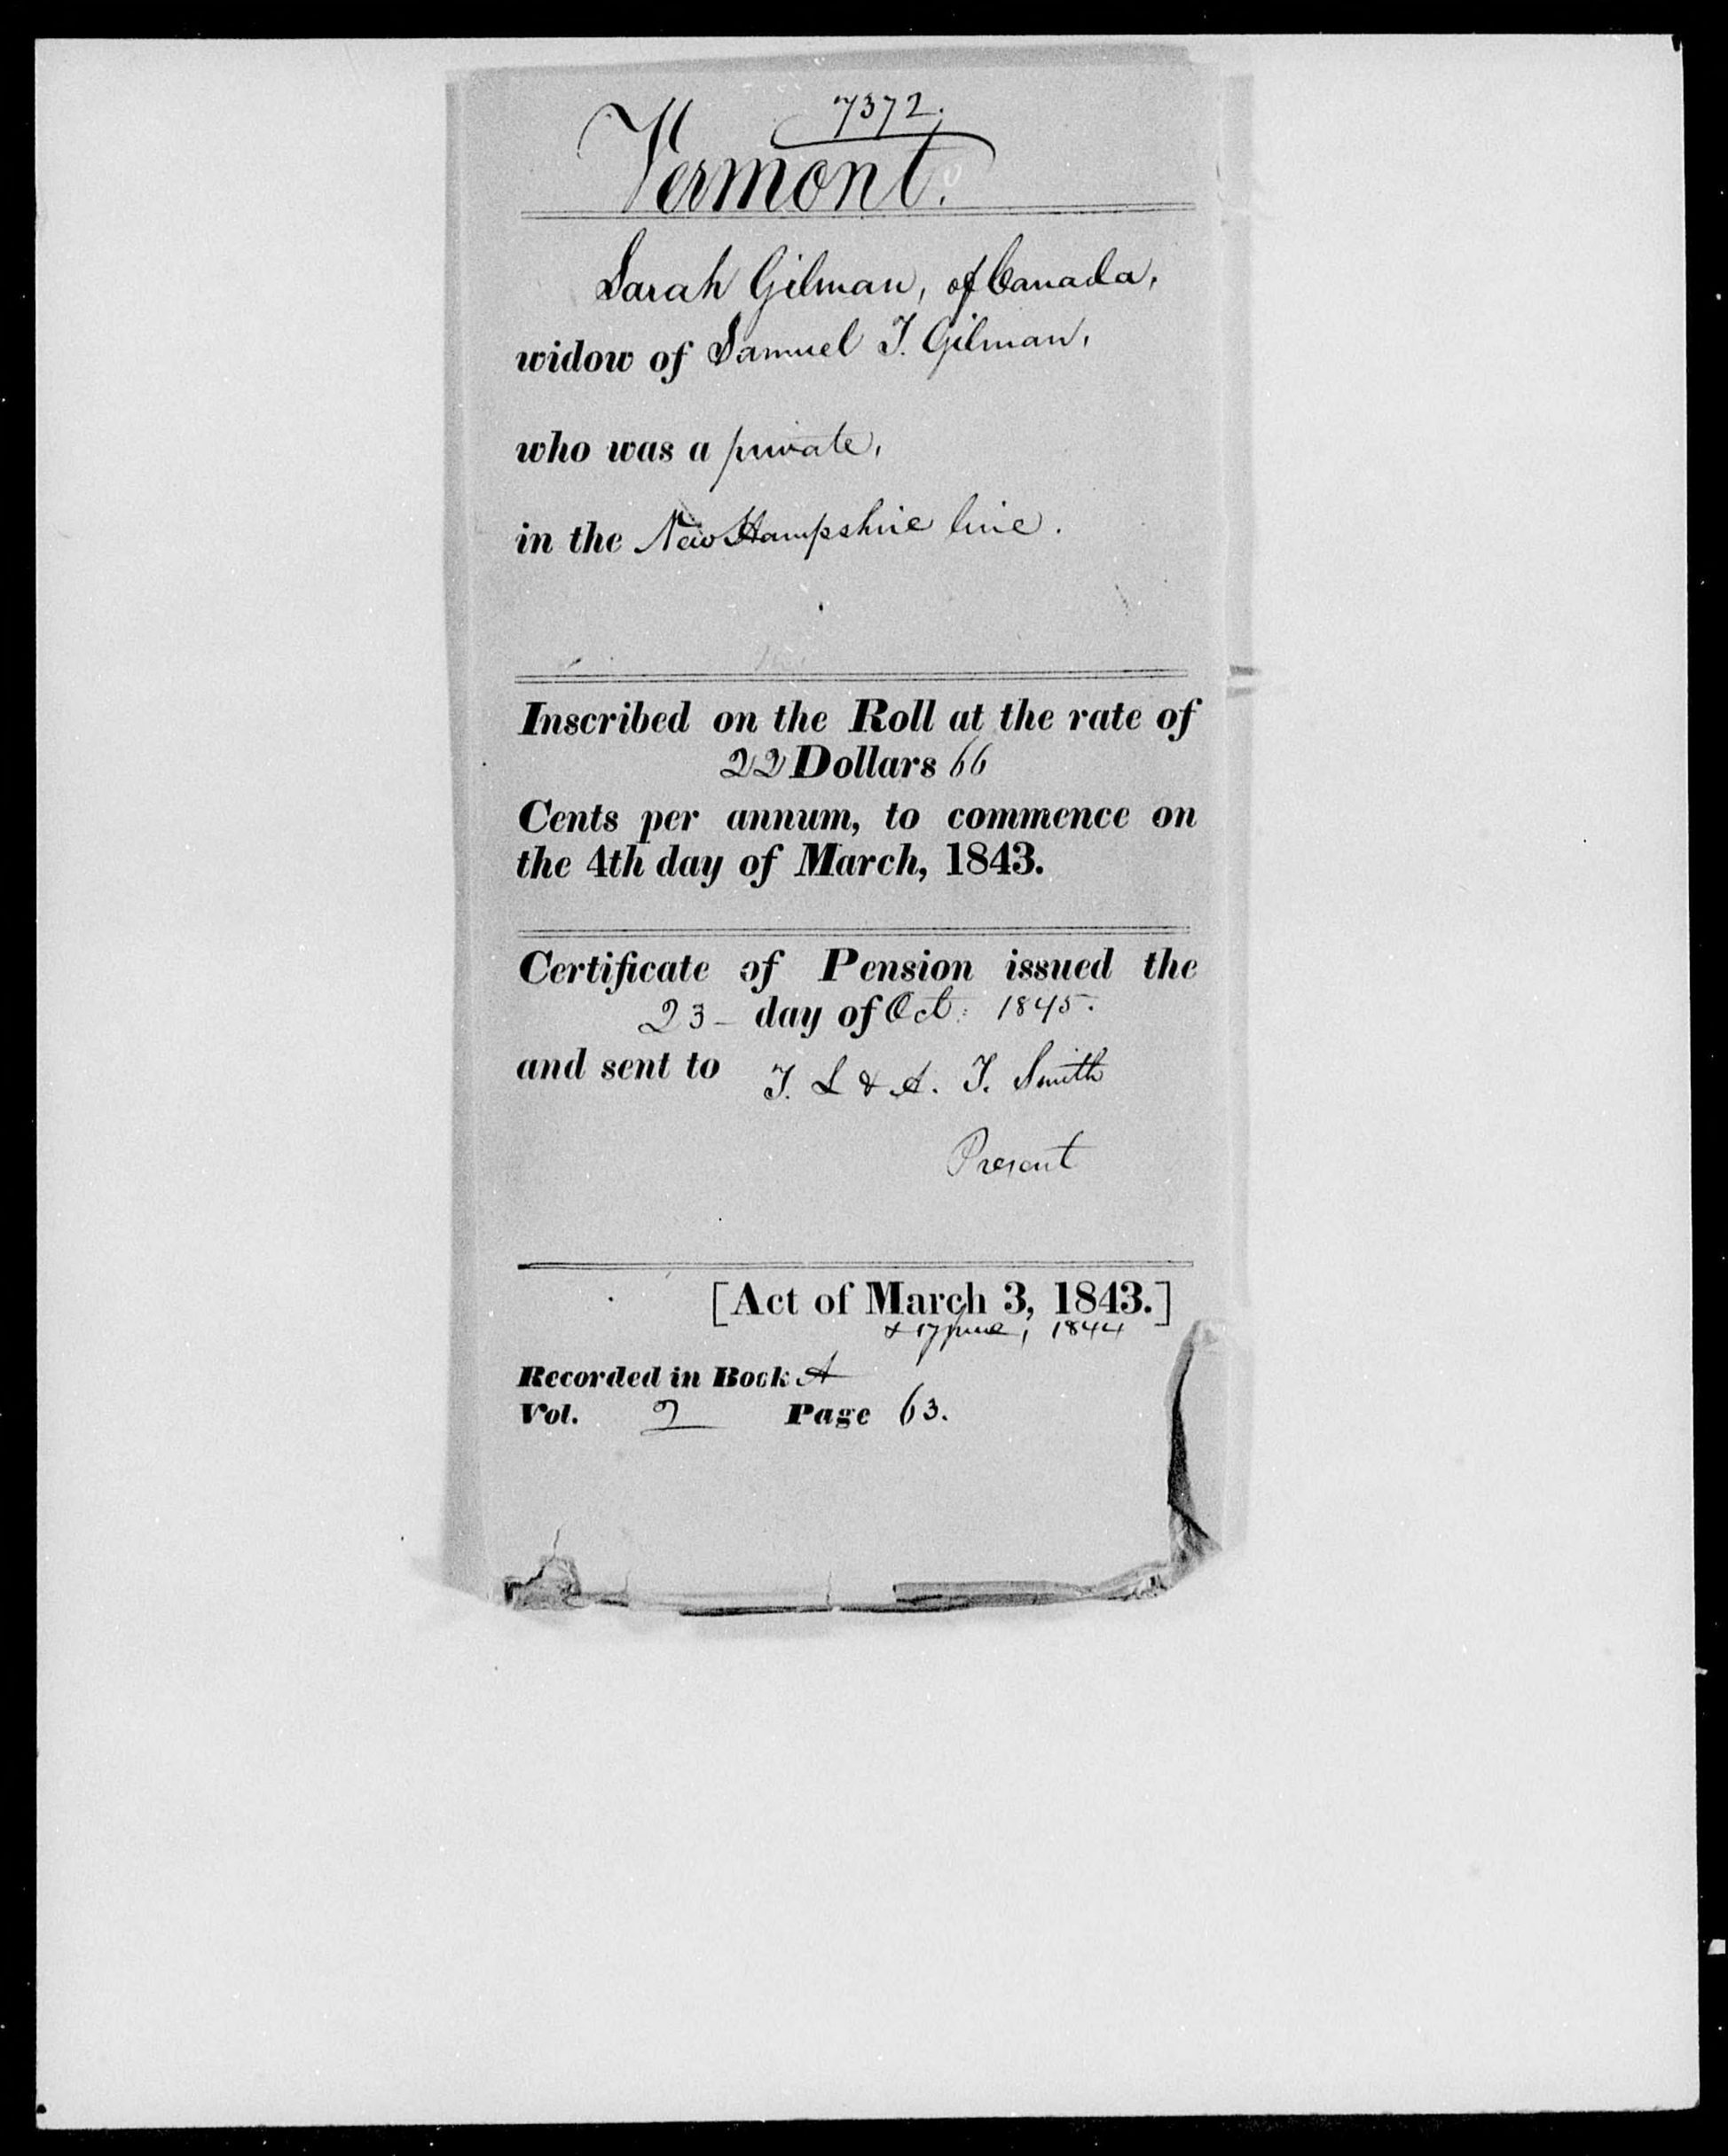7372.
Vermont.
=====
Sarah Gilman, of Canada,
widow of Samuel T. Gilman,
who was a private,
in the New Hampshire line.
=====
Inscribed on the Roll at the rate of
22 Dollars 66
Cents per annum, to commence on
the 4th day of March 1843.
=====
Certificate of Pension issued the
23 day of Oct. 1845.
and sent to T.L. & A.T. Smith
Present
=====
[Act of March 3, 1843.]
& 17 June, 1844
Recorded in Book A
Vol. 2 Page 63.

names: T L Smith, Sarah Gilman, A T Smith, Samuel T Gilman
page: 21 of 61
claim: widow's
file: W. 19500, Samuel Thing Gilman, Continental N.H.